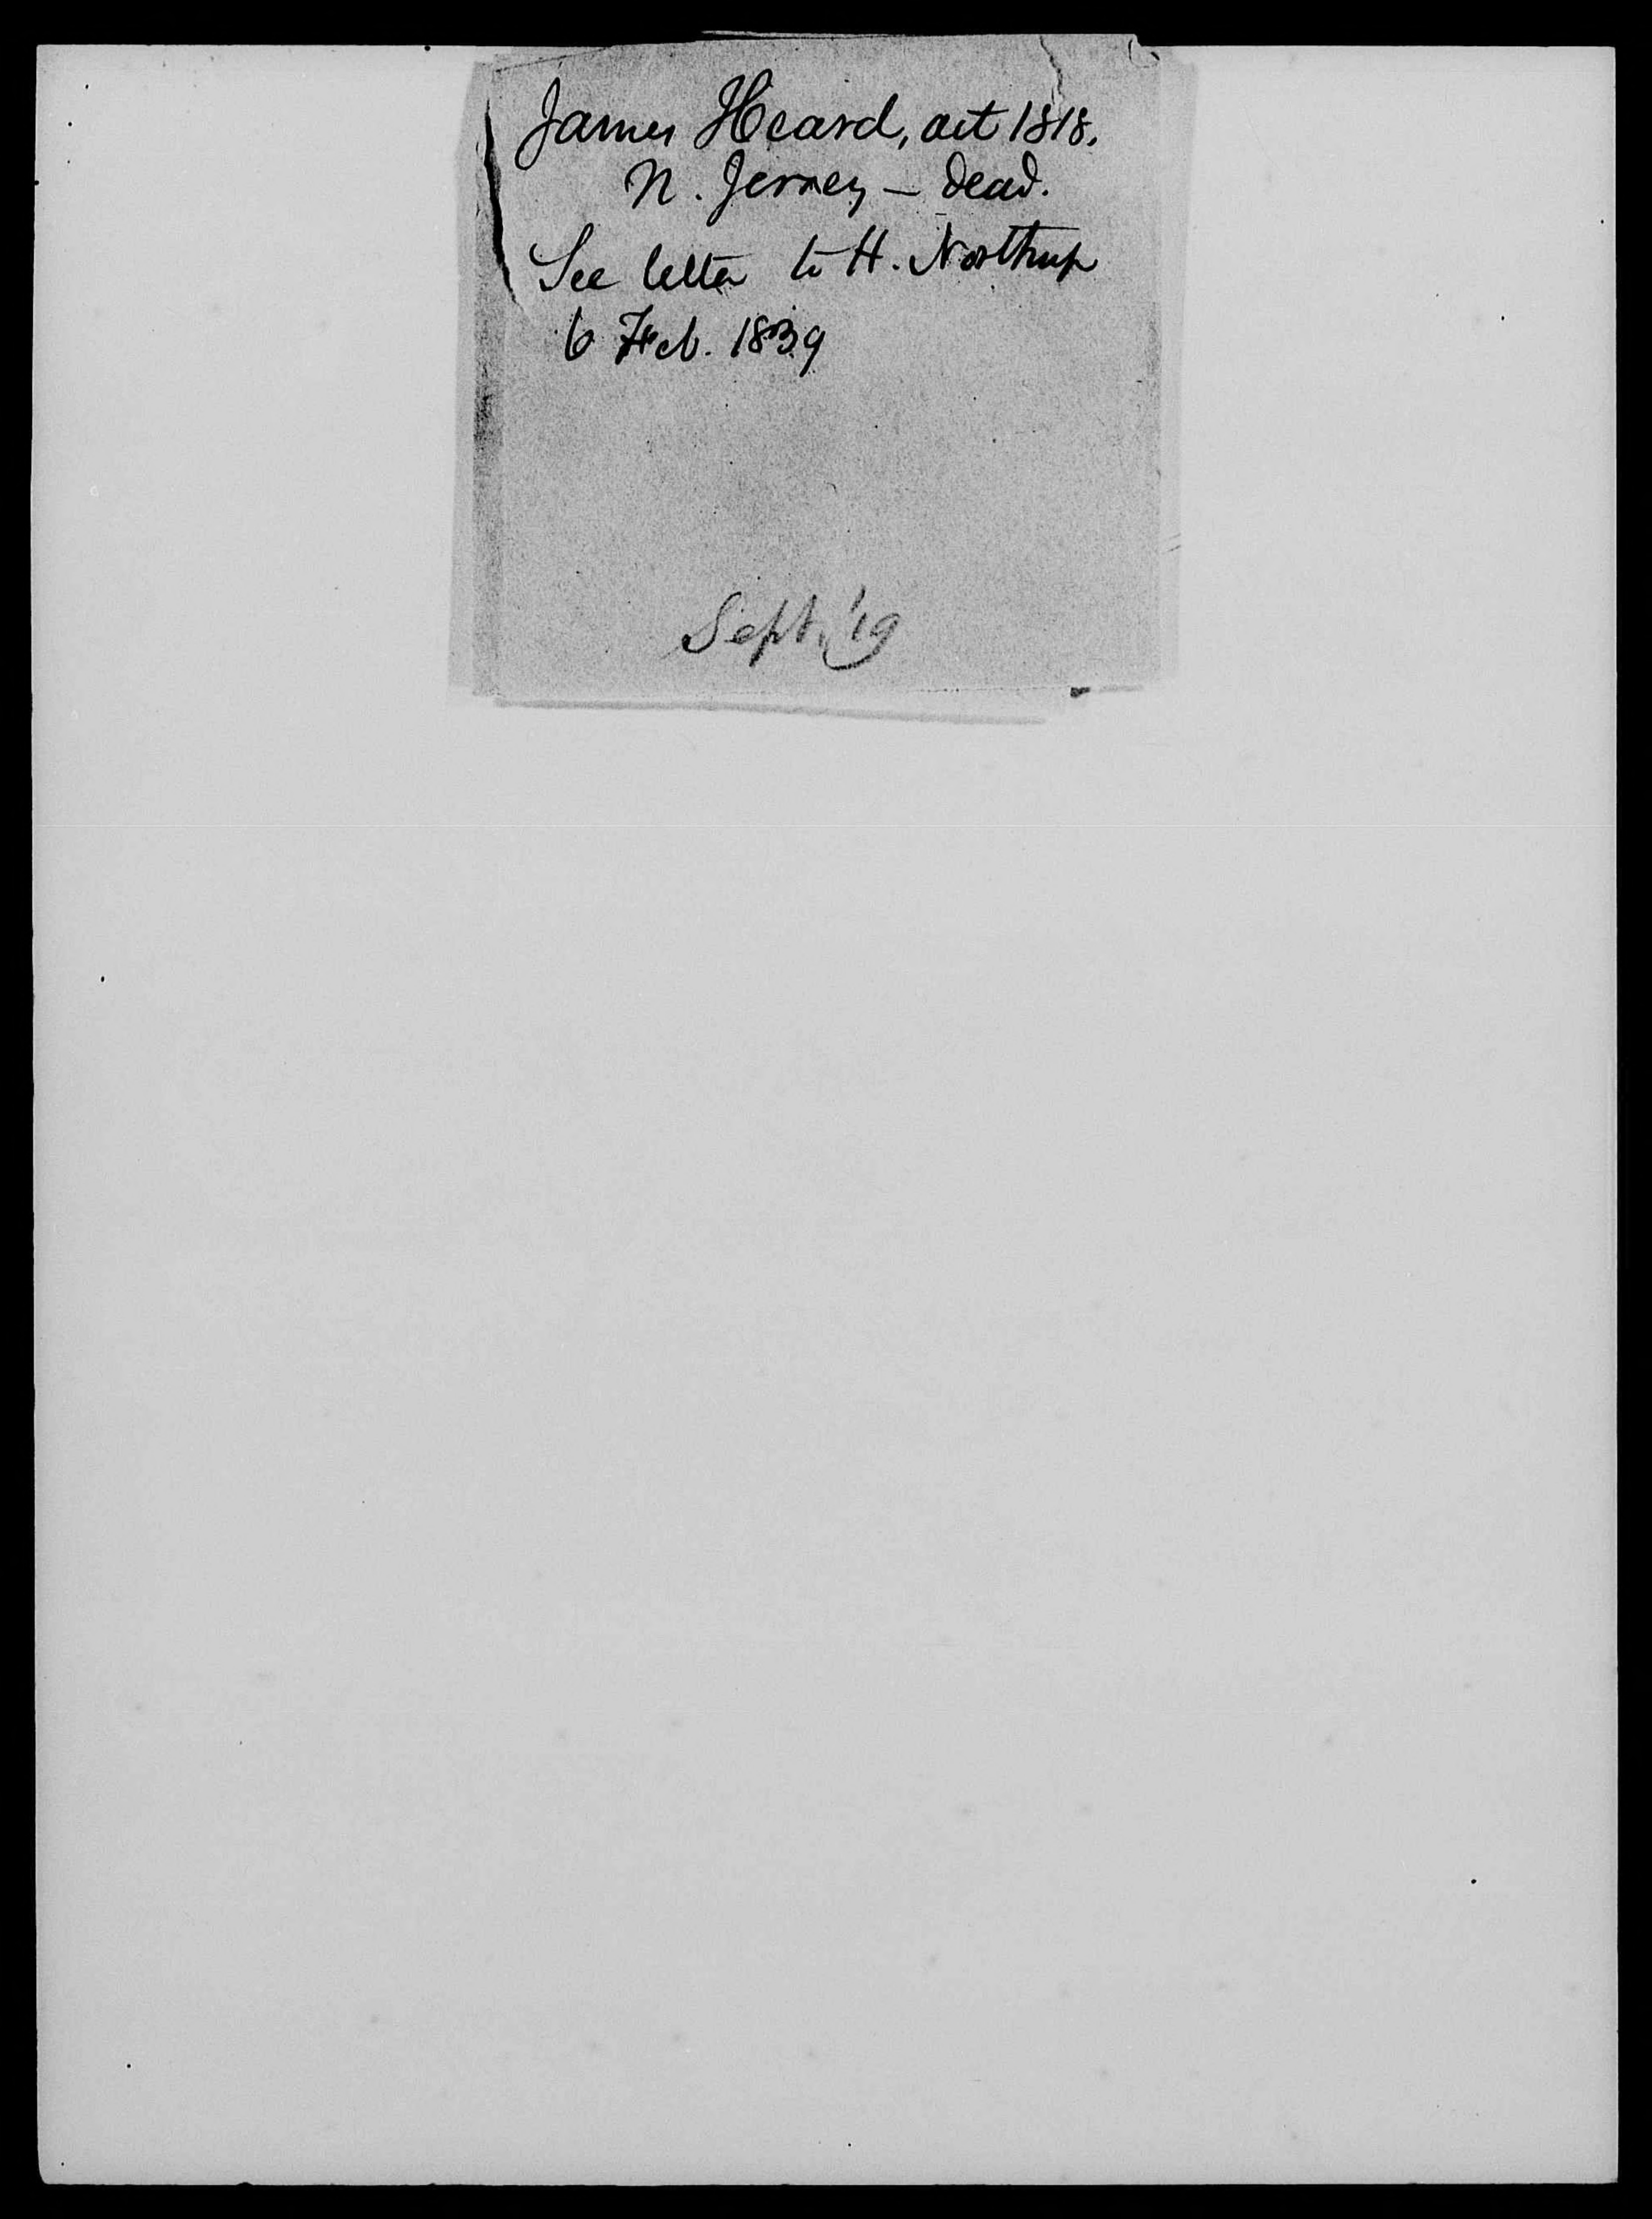James Heard, Act 1818
New Jersey – dead 
Lee letter to H. Northrop 
6 February 1839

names: H Northup, James Heard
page: 13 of 62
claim: survivor's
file: S. 540, James Heard, Continental - New Jersey Residence In 1818